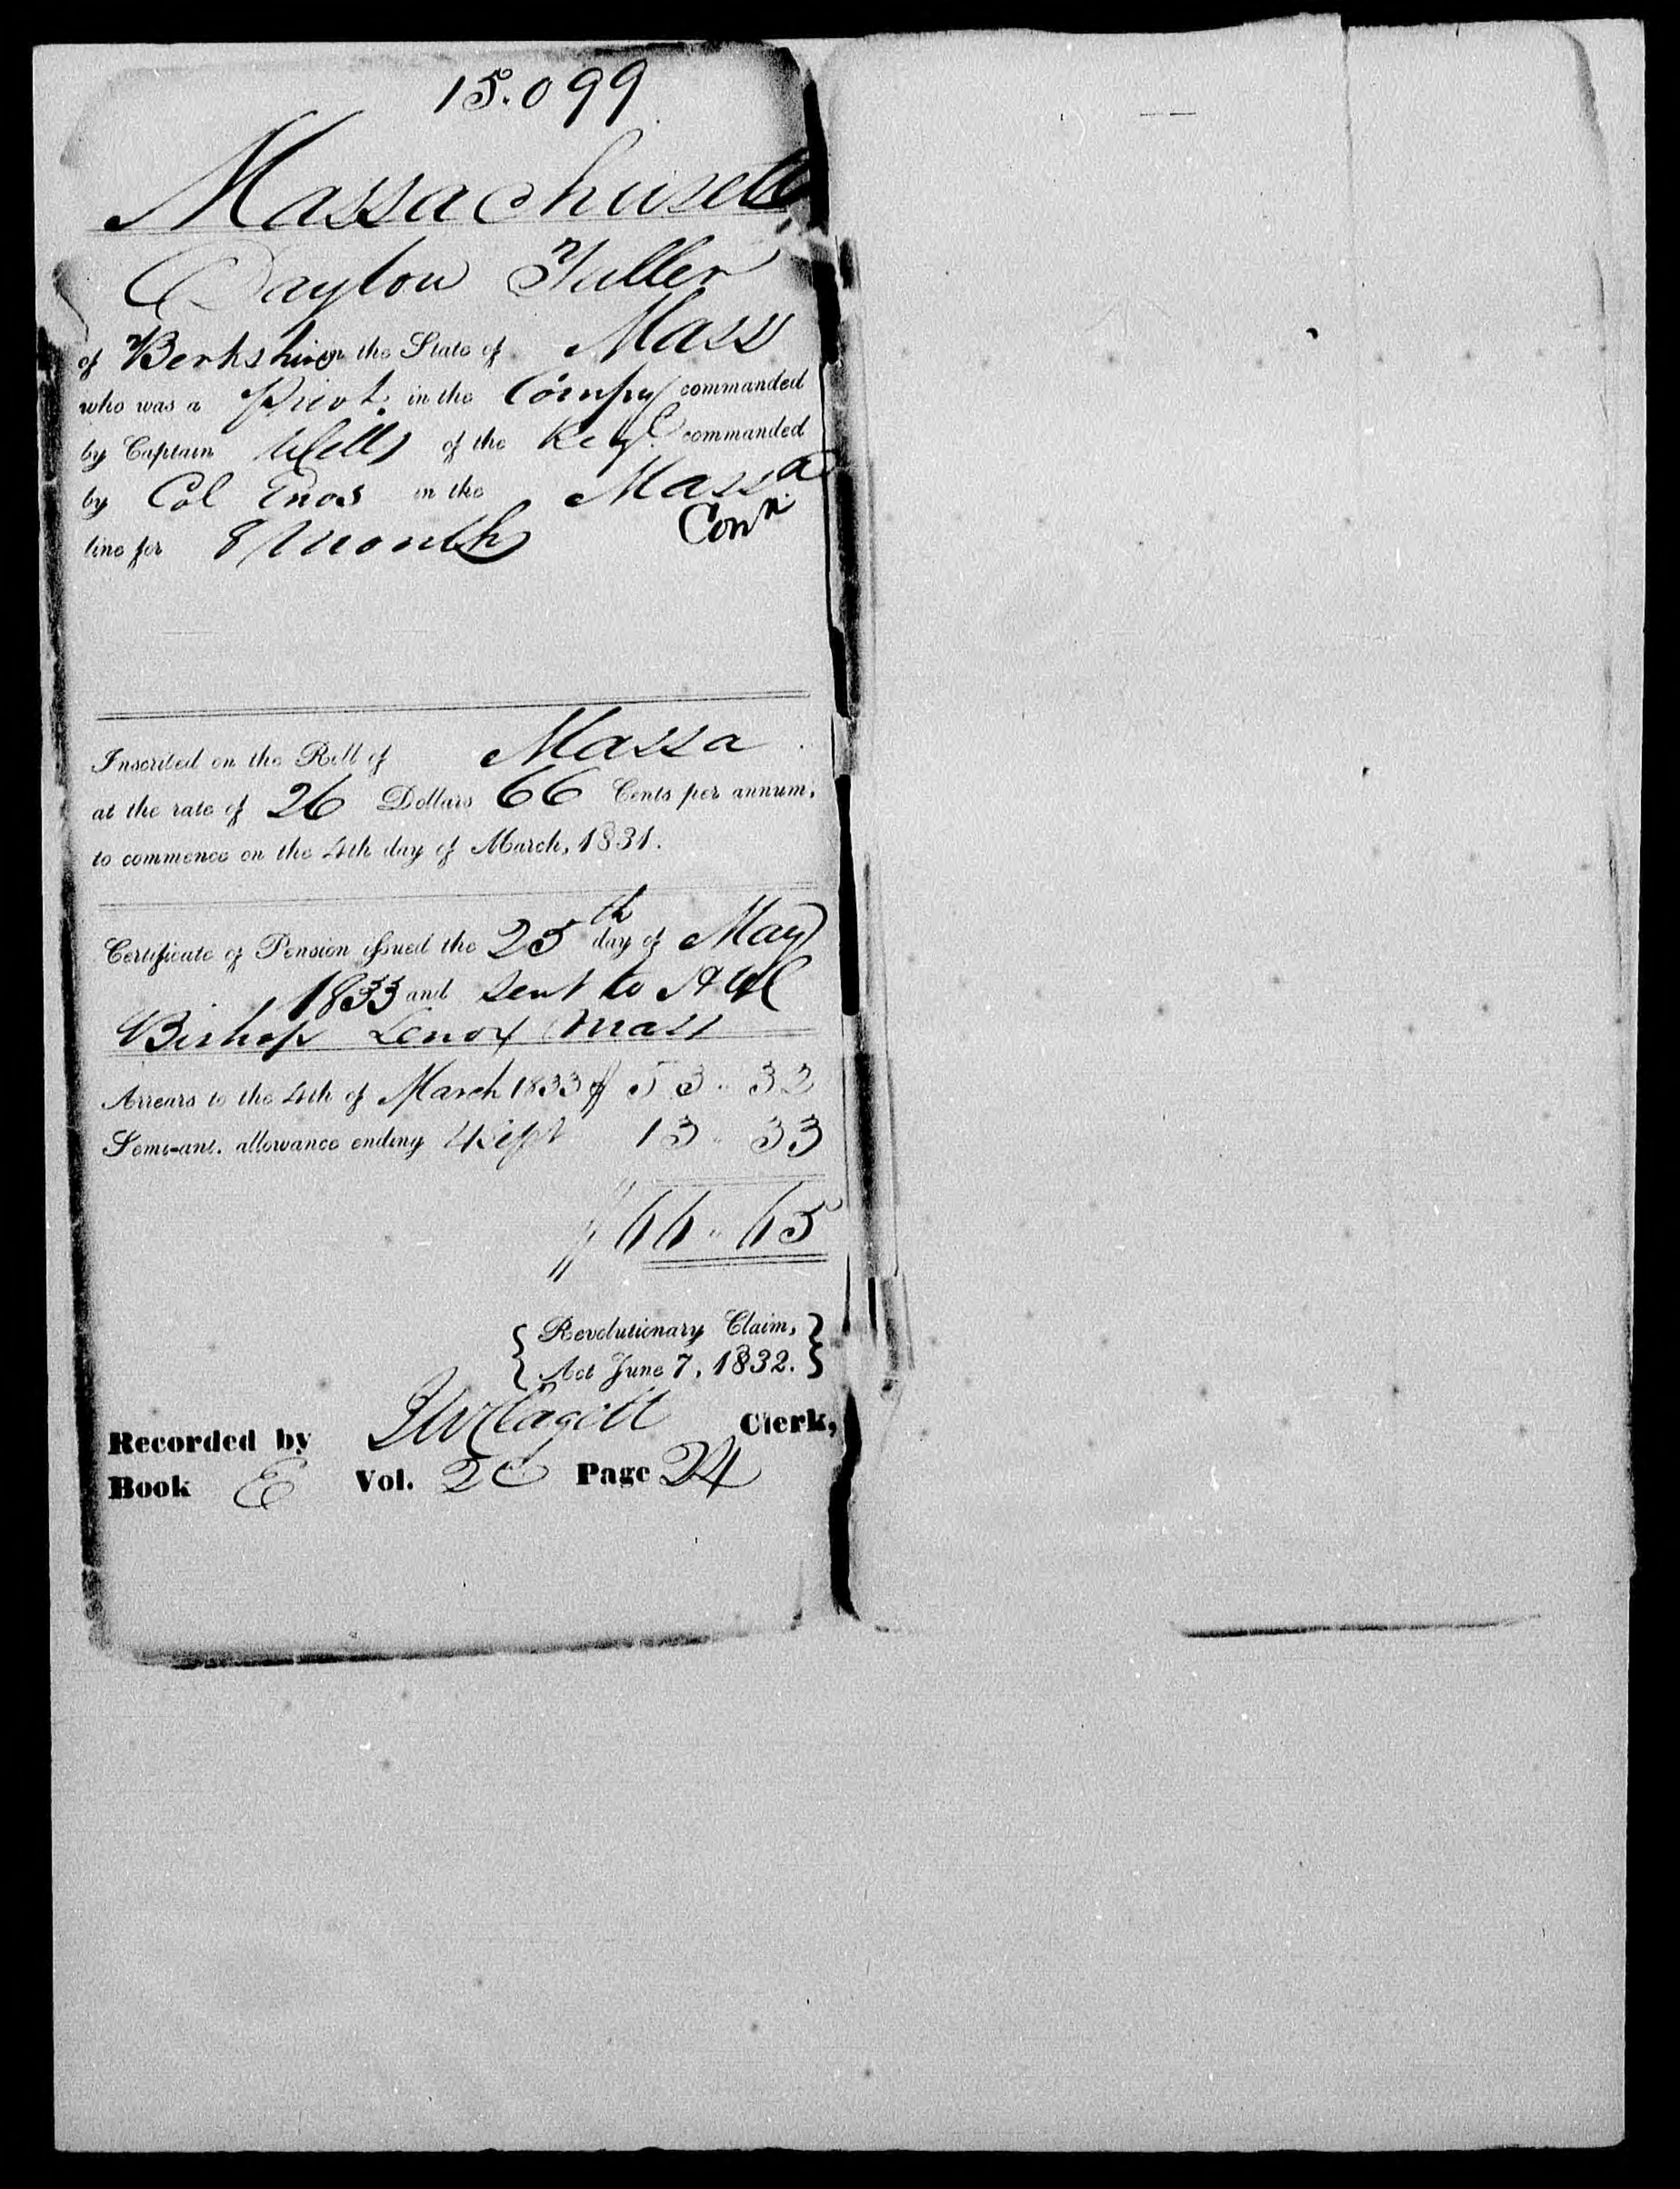15.099
Massachusetts
Dayton Fuller of Berkshire in the State of Mass who was a Privt. in the Compy commanded by Captain Wells of the Regt. commanded by Col Enos in the Massa Conn line for 8 months
Inscribed on the Roll of Massa at the rate of 26 Dollars 66 Cents per annum, to commence on the 4th day of March, 1831.
Certificate of Pension issued the 25th day of May 1833 and sent to H. W Bishop Lenox Mass
Arrears to the 4th of March 1833 $53.32
Semi-anl. allowance ending 4 Sept 13.33
$66.65
{Revolutionary Claim, Act June 7, 1832}
Recorded by J M Cagett Clerk,
Book E Vol. 20 Page 24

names: Dayton Fuller, Enos, H W Bishop, J W Clagett, Wells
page: 2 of 15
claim: survivor's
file: S. 29,166, Dayton Fuller, Conn.